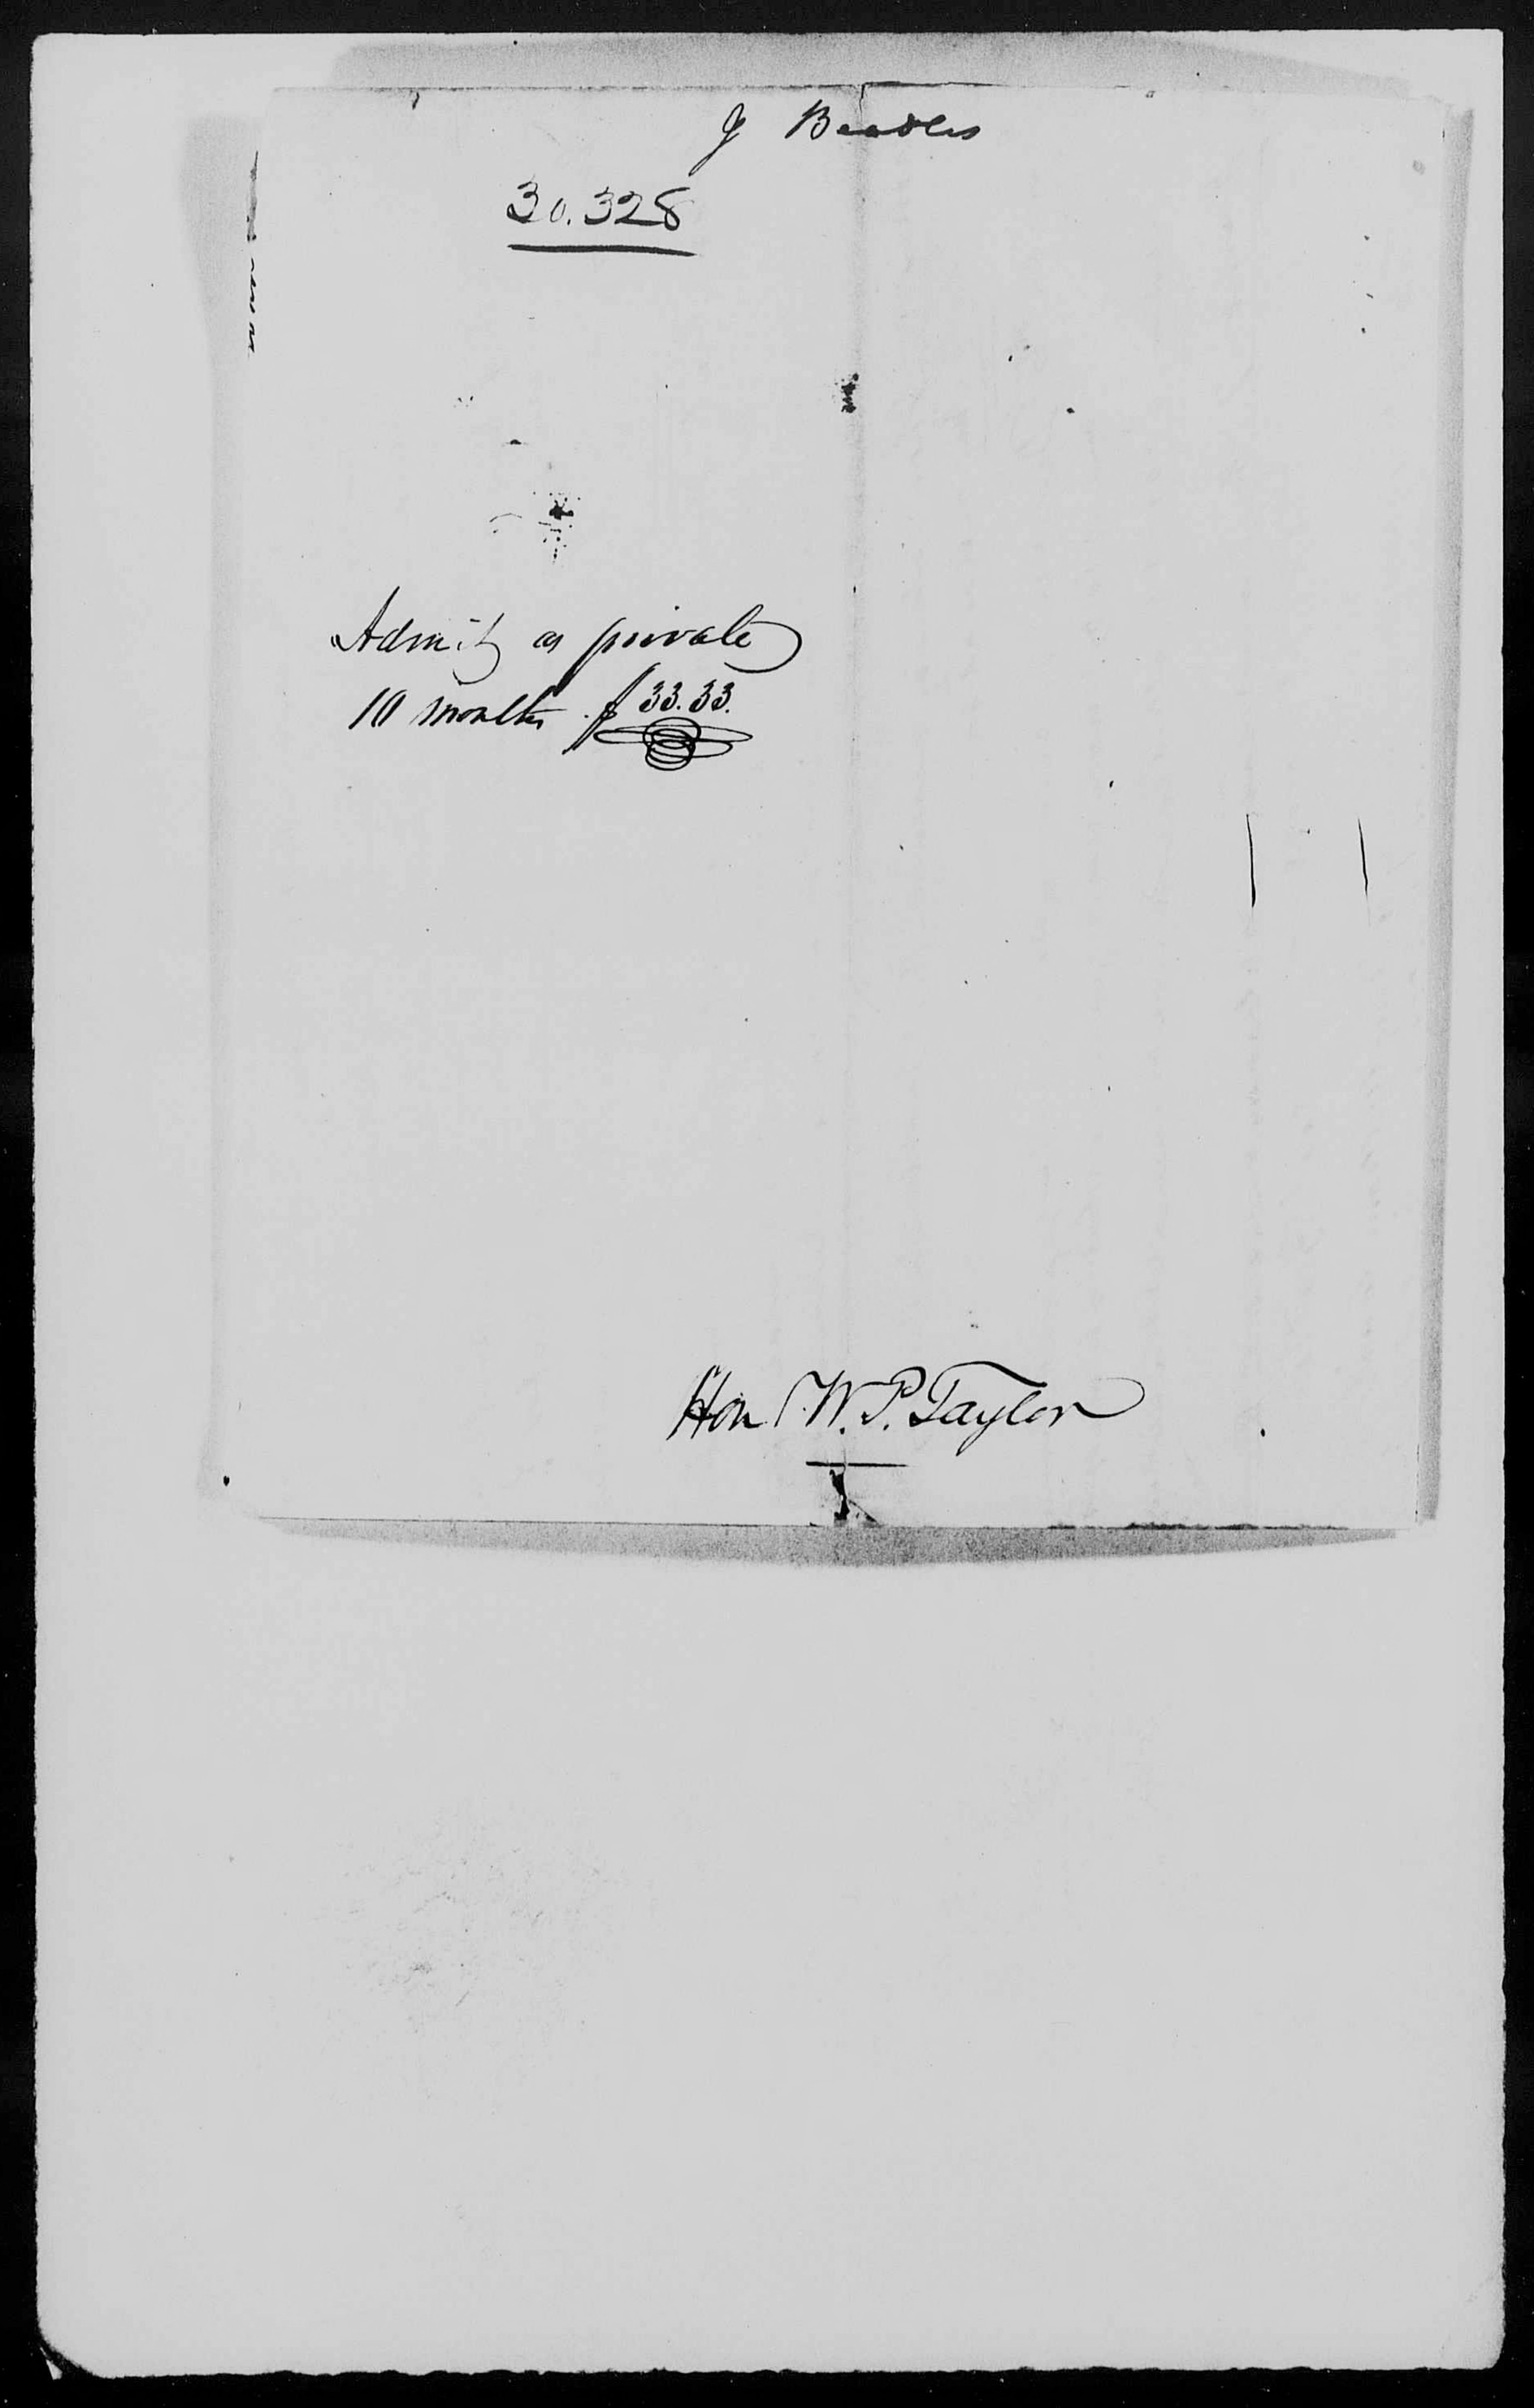J Beadles

30.328

Admit a private
10 months for $33.33

Hon. W. P. Taylor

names: J Beadles, W P Taylor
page: 3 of 13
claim: survivor's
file: S. 17841, Joel Beadles, Va.